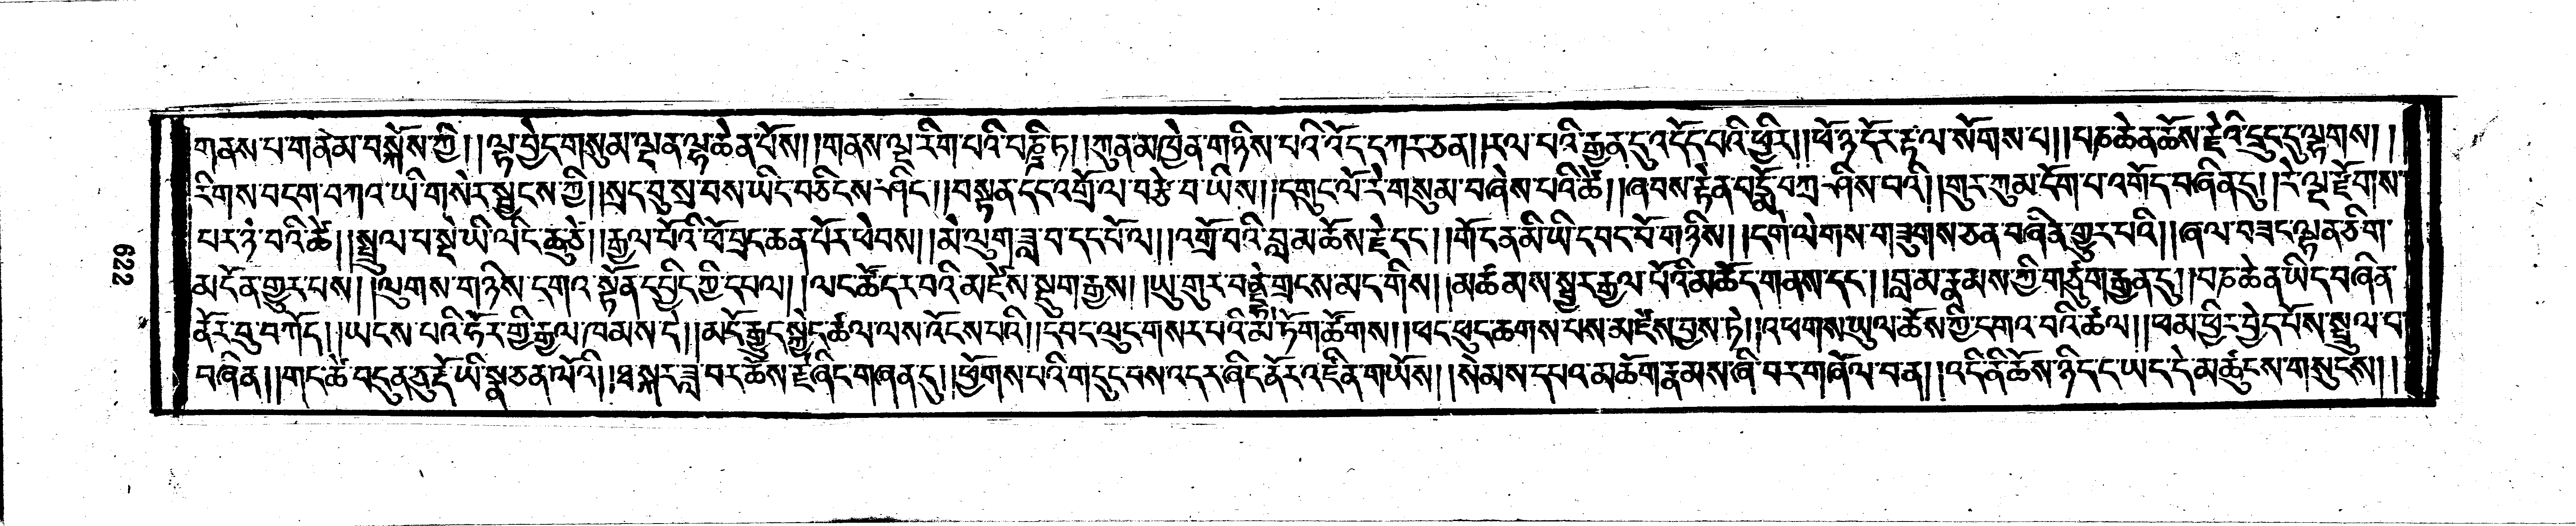གནས་པ་གནམ་བསྐོས་ཀྱི། །ལྟ་བྱེད་གསུམ་ལྡན་ལྷ་ཆེན་པོས། །གནས་ལྔ་རིག་པའི་པཎྚི་ཏ། །ཀུན་མཁྱེན་གཉིས་པའི་འོད་དཀར་ཅན། །རལ་པའི་རྒྱན་དུ་འདོད་པའི་ཕྱིར། །ཕོ་ཉ་དོར་རྟ་ལ་སོགས་པ། །པཎ་ཆེན་ཆོས་རྗེའི་དྲུང་དུ་ལྷགས། །
རིགས་བདག་བཀའ་ཡི་གསེར་སྦྱངས་ཀྱི། །སྲད་བུ་སྲ་བས་ཡིད་བཅིངས་ཤིང་། །བསྟན་དང་འགྲོ་ལ་བརྩེ་བ་ཡིས། །དགུང་ལོ་རེ་གསུམ་བཞེས་པའི་ཚེ། །ཞབས་རྟེན་པདམོ་བཀྲ་ཤིས་པའི། །གུར་ཀུམ་དོག་པ་འགོད་བཞིན་དུ། །རེ་ལྔ་རྫོགས་
པར་ཉེ་བའི་ཚེ། །སྤྲུལ་པ་སྡེ་ཡི་ལིང་ཆུ་ཙེ། །རྒྱལ་པོའི་ཕོ་བྲང་ཆེན་པོར་ཕེབས། །མེ་ལུག་ཟླ་བ་དང་པོ་ལ། །འགྲོ་བའི་བླ་མ་ཆོས་རྗེ་དང་། །གོ་དན་མི་ཡི་དབང་པོ་གཉིས། །དགེ་ལེགས་གཟུགས་ཅན་བཞིན་གྱུར་པའི། །ཞལ་བཟང་ལྷན་ཅིག་
མངོན་གྱུར་པས། །ལུགས་གཉིས་དགའ་སྟོན་དཔྱིད་ཀྱི་དཔལ། །ལང་ཚོ་དར་བའི་མཛེས་སྡུག་རྒྱས། །ཡུ་གུར་བནྡྷེ་གྲངས་མང་གིས། །མཚམས་སྦྱར་རྒྱལ་པོའི་མཆོད་གནས་དང་། །བླ་མ་རྣམས་ཀྱི་གཙུག་རྒྱན་དུ། །པཎ་ཆེན་ཡིད་བཞིན་
ནོར་བུ་བཀོད། །ཡངས་པའི་ཧོར་གྱི་རྒྱལ་ཁམས་དེ། །མདོ་རྒྱུད་སྐྱེད་ཚལ་ལས་འོངས་པའི། །དབང་ལུང་གསར་པའི་མེ་ཏོག་ཚོགས། །ཕང་ཕུང་ཆགས་པས་མཛེས་བྱས་ཏེ། །འཕགས་ཡུལ་ཆོས་ཀྱི་འགའ་བའི་ཚལ། །ཕམ་ཕྱིར་བྱེད་པོས་སྤྲུལ་པ་
བཞིན། །གང་ཚེ་བདུན་ཅུ་རྡོ་ཡི་སྣ་ཅན་ལོའི། །ཐ་སྐར་ཟླ་བར་ཆོས་རྗེ་ཞིང་གཞན་དུ། །ཕྱོགས་པའི་གདུང་བས་འདར་ཞིང་ནོར་འཛིན་གཡོས། །སེམས་དཔའ་མཆོག་རྣམས་ཞི་བར་གཞོལ་བ་ན། །འདི་ནི་ཆོས་ཉིད་ང་ཡང་དེ་མཚུངས་གསུངས། །